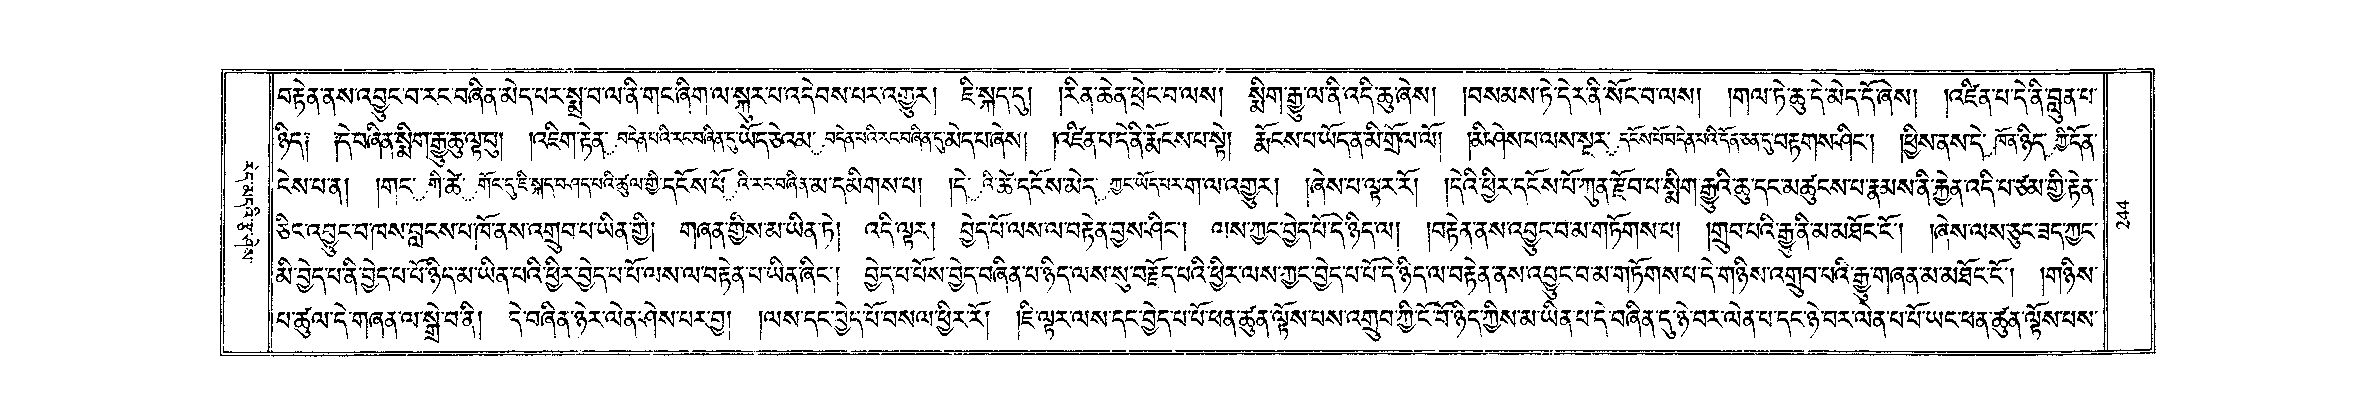བརྟེན་ནས་འབྱུང་བ་རང་བཞིན་མེད་པར་སྨྲ་བ་ལ་ནི་གང་ཞིག་ལ་སྐུར་པ་འདེབས་པར་འགྱུར། ཇི་སྐད་དུ། །རིན་ཆེན་ཕྲེང་བ་ལས། སྨིག་རྒྱུ་ལ་ནི་འདི་ཆུ་ཞེས། །བསམས་ཏེ་དེར་ནི་སོང་བ་ལས། །གལ་ཏེ་ཆུ་དེ་མེད་དོ་ཞེས། །འཛིན་པ་དེ་ནི་བླུན་པ་
ཉིད༑ ༑དེ་བཞིན་སྨིག་རྒྱུ་ཆུ་ལྟ་བུ། །འཇིག་རྟེན་བདེན་པའི་རང་བཞིན་དུ་ཡོད་ཅེའམ་བདེན་པའི་རང་བཞིན་དུ་མེད་པ་ཞེས། །འཛིན་པ་དེ་ནི་རྨོངས་པ་སྟེ། རྨོངས་པ་ཡོད་ན་མི་གྲོལ་ལོ། །མི་ཤེས་པ་ལས་སྔར་དངོས་པོ་བདེན་པའི་དོན་ཅན་དུ་བརྟགས་ཤིང་། །ཕྱིས་ནས་དེ་ཁོ་ན་ཉིད་ཀྱི་དོན་
ངེས་པ་ན། །གང་གི་ཚེ་གོང་དུ་ཇི་སྐད་བཤད་པའི་ཚུལ་གྱི་དངོས་པོའི་རང་བཞིན་མ་དམིགས་པ། །དེའི་ཚེ་དངོས་མེད་ཀྱང་ཡོད་པར་ག་ལ་འགྱུར། །ཞེས་པ་ལྟར་རོ། །དེའི་ཕྱིར་དངོས་པོ་ཀུན་རྫོབ་པ་སྨིག་རྒྱུའི་ཆུ་དང་མཚུངས་པ་རྣམས་ནི་རྐྱེན་འདི་པ་ཙམ་གྱི་རྟེན་
ཅིང་འབྱུང་བ་ཁས་བླངས་པ་ཁོ་ནས་འགྲུབ་པ་ཡིན་གྱི། གཞན་གྱིས་མ་ཡིན་ཏེ། འདི་ལྟར། བྱེད་པོ་ལས་ལ་བརྟེན་བྱས་ཤིང་། ལས་ཀྱང་བྱེད་པོ་དེ་ཉིད་ལ། །བརྟེན་ནས་འབྱུང་བ་མ་གཏོགས་པ། །གྲུབ་པའི་རྒྱུ་ནི་མ་མཐོང་ངོ། །ཞེས་ལས་ཅུང་ཟད་ཀྱང་
མི་བྱེད་པ་ནི་བྱེད་པ་པོ་ཉིད་མ་ཡིན་པའི་ཕྱིར་བྱེད་པ་པོ་ལས་ལ་བརྟེན་པ་ཡིན་ཞིང་། བྱེད་པ་པོས་བྱེད་བཞིན་པ་ཉིད་ལས་སུ་བརྗོད་པའི་ཕྱིར་ལས་ཀྱང་བྱེད་པ་པོ་དེ་ཉིད་ལ་བརྟེན་ནས་འབྱུང་བ་མ་གཏོགས་པ་དེ་གཉིས་འགྲུབ་པའི་རྒྱུ་གཞན་མ་མཐོང་ངོ། །གཉིས་
པ་ཚུལ་དེ་གཞན་ལ་སྒྲེ་བ་ནི། དེ་བཞིན་ཉེར་ལེན་ཤེས་པར་བྱ། །ལས་དང་བྱེད་པོ་བསལ་ཕྱིར་རོ། །ཇི་ལྟར་ལས་དང་བྱེད་པ་པོ་ཕན་ཚུན་ལྟོས་པས་འགྲུབ་ཀྱི་ངོ་བོ་ཉིད་ཀྱིས་མ་ཡིན་པ་དེ་བཞིན་དུ་ཉེ་བར་ལེན་པ་དང་ཉེ་བར་ལེན་པ་པོ་ཡང་ཕན་ཚུན་ལྟོས་པས་